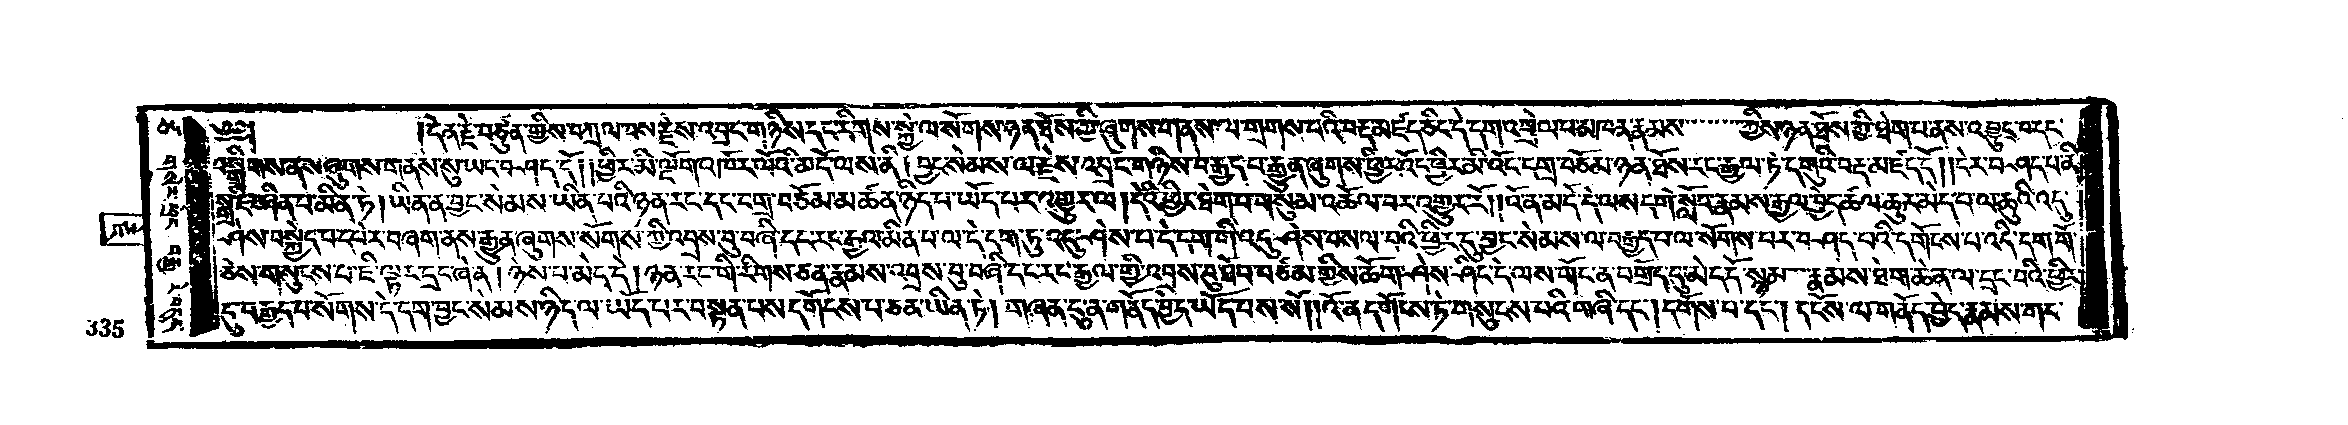༄༅། །དེན་རྗེ་བཙུན་གྱིས་བཀྲལ་བས་རྗེས་འབྲང་གཉིས་དང་རིགས་སྐྱེ་ལ་སོགས་ཉན་ཐོས་ཀྱི་ཞུགས་གནས་ལ་གྲགས་པའི་བརྡ་མཛད་ཅིང་དེ་དག་འགྲེལ་པ་མཁན་རྣམས་ཀྱིས་ཉན་ཐོས་ཀྱི་ཐེག་པ་ནས་འབྱུང་བ་དང་
བསྒྲིགས་ནས་ཞུགས་གནས་སུ་ཡང་བཤད་དོ། །ཕྱིར་མི་ལྡོག་འཁོར་ལོའི་མདོ་ལས་ནི། བྱང་སེམས་ལ་རྗེས་འབྲང་གཉིས་བརྒྱད་པ་རྒྱུན་ཞུགས་ཕྱིར་འོང་ཕྱིར་མི་འོང་དགྲ་བཅོམ་ཉན་ཐོས་རང་རྒྱལ་ཏེ་དགུའི་བརྡ་མཛོད་དོ། །དེར་བཤད་པ་ནི་
སྒྲ་ཇི་བཞིན་པ་མིན་ཏེ། ཡིན་ན་བྱང་སེམས་ཡིན་པའི་ཉན་རང་དང་དགྲ་བཅོམ་མཚན་ཉིད་པ་ཡོད་པར་འགྱུར་ལ། དེའི་ཕྱིར་ཐེག་པ་གསུམ་འཚོལ་བར་འགྱུར་རོ། །འོ་ན་མདོ་དེ་ལས་དགེ་སློང་རྣམས་རྒྱལ་བྱེད་ཚལ་ཆུར་མེད་པ་ལ་ཆུའི་འདུ་
ཤེས་བསྐྱེད་པ་དཔེར་བཞག་ནས་རྒྱུན་ཞུགས་སོགས་ཀྱི་འབྲས་བུ་བཞི་དང་རང་རྒྱལ་མིན་པ་ལ་དེ་དག་ཏུ་འདུ་ཤེས་པ་དེ་དག་གི་འདུ་ཤེས་བསལ་བའི་ཕྱིར་དུ་བྱང་སེམས་ལ་བརྒྱད་པ་ལ་སོགས་པར་བཤད་པའི་དགོངས་པ་འདི་དག་གོ་
ཞེས་གསུངས་པ་ཇི་ལྟར་དྲང་ཞེ་ན། ཉེས་པ་མེད་དེ། ཉན་རང་གི་རིགས་ཅན་རྣམས་འབྲས་བུ་བཞི་དང་རང་རྒྱལ་གྱི་འབྲས་བུ་ཐོབ་པ་ཙམ་གྱིས་ཆོག་ཤེས་ཤིང་དེ་ལས་གོང་ན་བགྲོད་དུ་མེད་དོ་སྙམ་པ་རྣམས་ཐེག་ཆེན་ལ་དྲང་བའི་ཕྱིར་
དུ་བརྒྱད་པ་སོགས་དེ་དག་བྱང་སེམས་ཉིད་ལ་ཡོད་པར་བསྟན་པས་དགོངས་པ་ཅན་ཡིན་ཏེ། གཞན་དུ་ན་གནོད་བྱེད་ཡོད་པས་སོ། །འོ་ན་དགོངས་ཏེ་གསུངས་པའི་གཞི་དང་། དགོས་པ་དང་། དངོས་ལ་གནོད་བྱེད་རྣམས་གང་